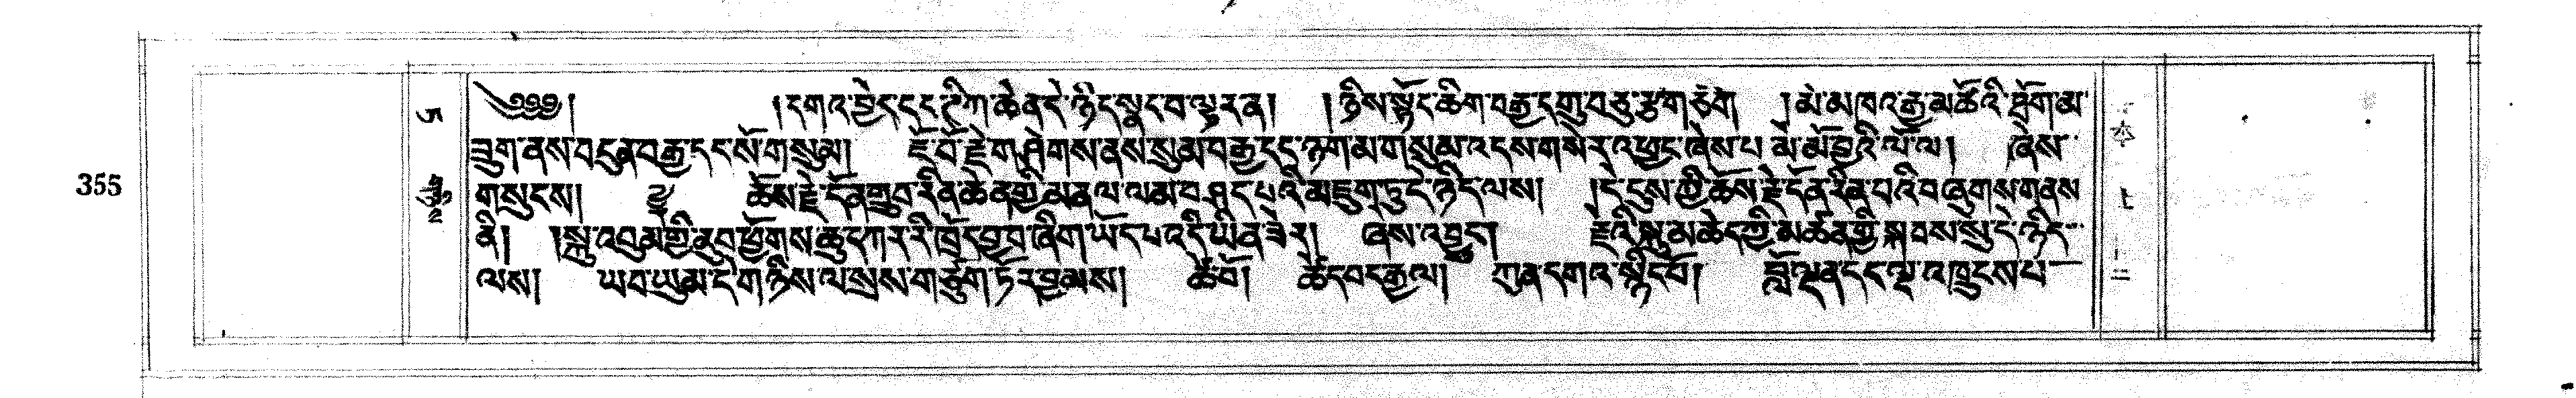༄༅༅། །དགའ་བྱེད་དང་ཊིཀ་ཆེན་དེ་ཉིད་སྣང་བ་ལྟར་ན། །ཉིས་སྟོང་ཆིག་བརྒྱ་དགུ་བཅུ་རྩ་གཅིག །མེ་མཁའ་རྒྱ་མཚོའི་ཐོག་མ་
ཟུག་ནས་བདུན་བརྒྱ་དང་སོ་གསུམ། ཇོ་བོ་རྗེ་གཤེགས་ནས་སུམ་བརྒྱ་དང་ཉག་མ་གསུམ་འདས་གསེར་འཕྱང་ཞེས་པ་མེ་མོ་བྱའི་ལོ་ལ། ཞེས་
གསུངས། ༈ ཆོས་རྗེ་དོན་གྲུབ་རིན་ཆེན་གྱི་མནལ་ལམ་བཤད་པའི་མཇུག་ཏུ་དེ་ཉིད་ལས། །དེ་དུས་ཀྱི་ཆོས་རྗེ་དོན་རིན་པའི་བཞུགས་གནས་
ནི། །སྐུ་འབུམ་གྱི་ནུབ་ཕྱོགས་ཆུ་དཀར་རི་ཁྲོད་བྱ་བ་ཞིག་ཡོད་པ་འདི་ཡིན་ཟེར། ཞེས་འབྱུང་། རྗེའི་སྐུ་མཆེད་ཀྱི་མཚན་གྱི་སྐབས་སུ་དེ་ཉིད་
ལས། ཡབ་ཡུམ་དེ་གཉིས་ལ་སྲས་གཙུག་ཏོར་བྱམས། ཚེ་བོ། ཚེ་དབང་རྒྱལ། ཀུན་དགའ་སྙིང་པོ། བློ་ལྡན་དང་ལྔ་འཁྲུངས་པ་